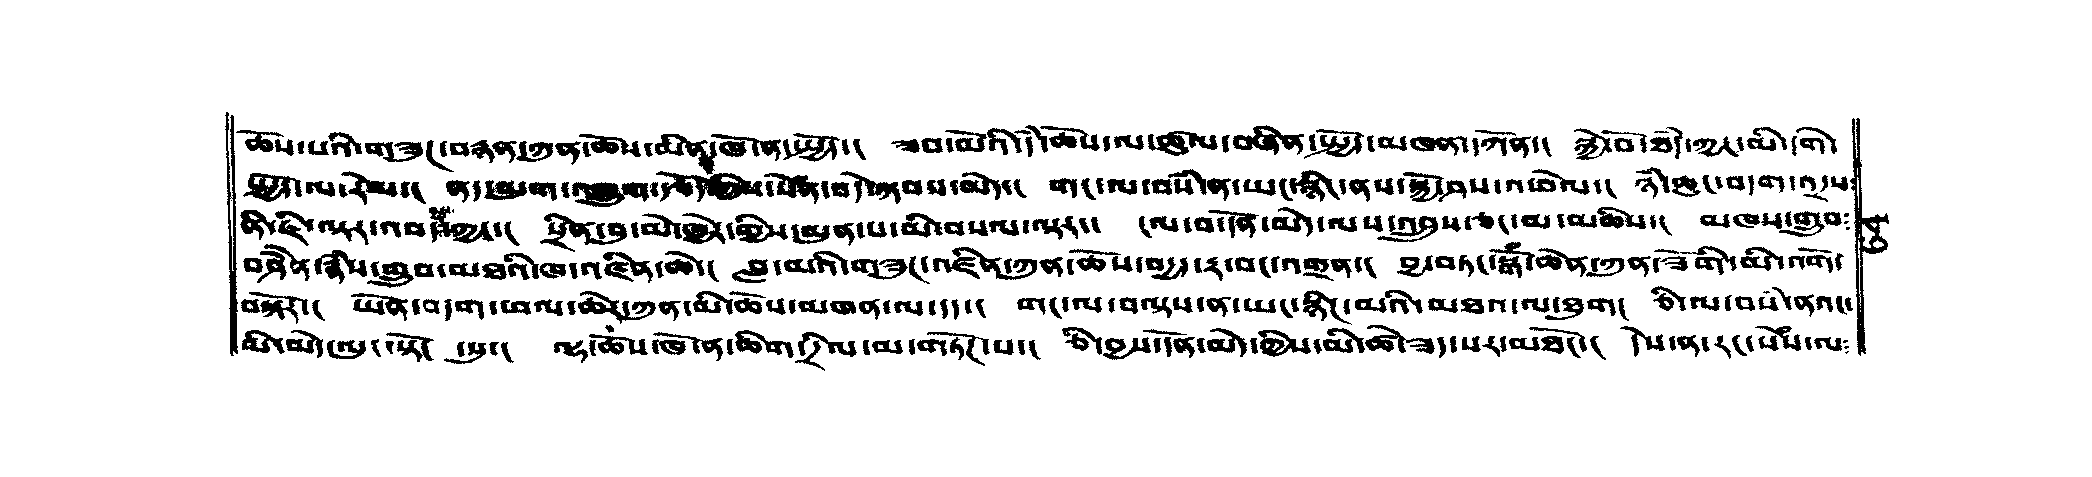ཆོས་པའི་གཟུགས་བརྙན་ཀུན་ཆོས་མིན་ཁོ་ན་སྤྱོད། །ཟབ་མོའི་དམ་ཆོས་ལ་ཚུལ་བཞིན་སྤྱོད་མཁན་དཀོན། །སྐྱེ་བོ་ཐམས་ཅད་ཀྱང་མི་དགེ་
སྤྱོད་ལ་རེམ། །ནད་མུག་འཁྲུག་རྩོད་ཀྱིས་སེམས་ཅན་བདེ་སྐབས་མེད། །གང་ལ་བསམ་ན་ཡང་སྙིང་ནས་སྐྱོ་ཤས་འཕེལ། །ཉམ་ཆུང་བདག་འདྲས་
ནི་ཇི་ལྟར་འབད་བྱས་ཀྱང་། །སྲིན་བུ་མེ་ཁྱེར་གྱིས་མུན་པ་མི་བསལ་ལྟར། །ངལ་བ་དོན་མེད་ལས་འབྲས་བུ་ཅང་མ་མཆིས། །མཁས་གྲུབ་
བཤེས་གཉེན་རྣམས་གྲུབ་མཐའི་ཁ་འཛིན་ཆེ། །བླ་མའི་གཟུགས་འཛིན་ཀུན་ཆོས་བརྒྱད་རྟ་བང་འགྲན། །བྱ་བཏང་སྒོམ་ཆེན་ཀུན་ཟོག་གིས་མི་མགོ་
བསྐོར། །ཡོན་བདག་ཕལ་ཆེར་ཀུན་མི་ཆོས་མཁན་ལ་དད། །གང་ལ་བལྟས་ན་ཡང་སྙིགས་མའི་མཐའ་ལ་ཐུག །ཅི་ལ་བལྟས་ཀྱང་
མི་མེད་ལུང་སྟོངས་སུ། །ལྷ་ཆོས་ཁོ་ན་ཆིག་འདྲིལ་མ་གཏོགས་པ། །ཅི་བྱས་དོན་མེད་ཀྱིས་མི་ཚེ་ཟད་པར་མཐོང་། །དེས་ན་རང་སེམས་ལ་